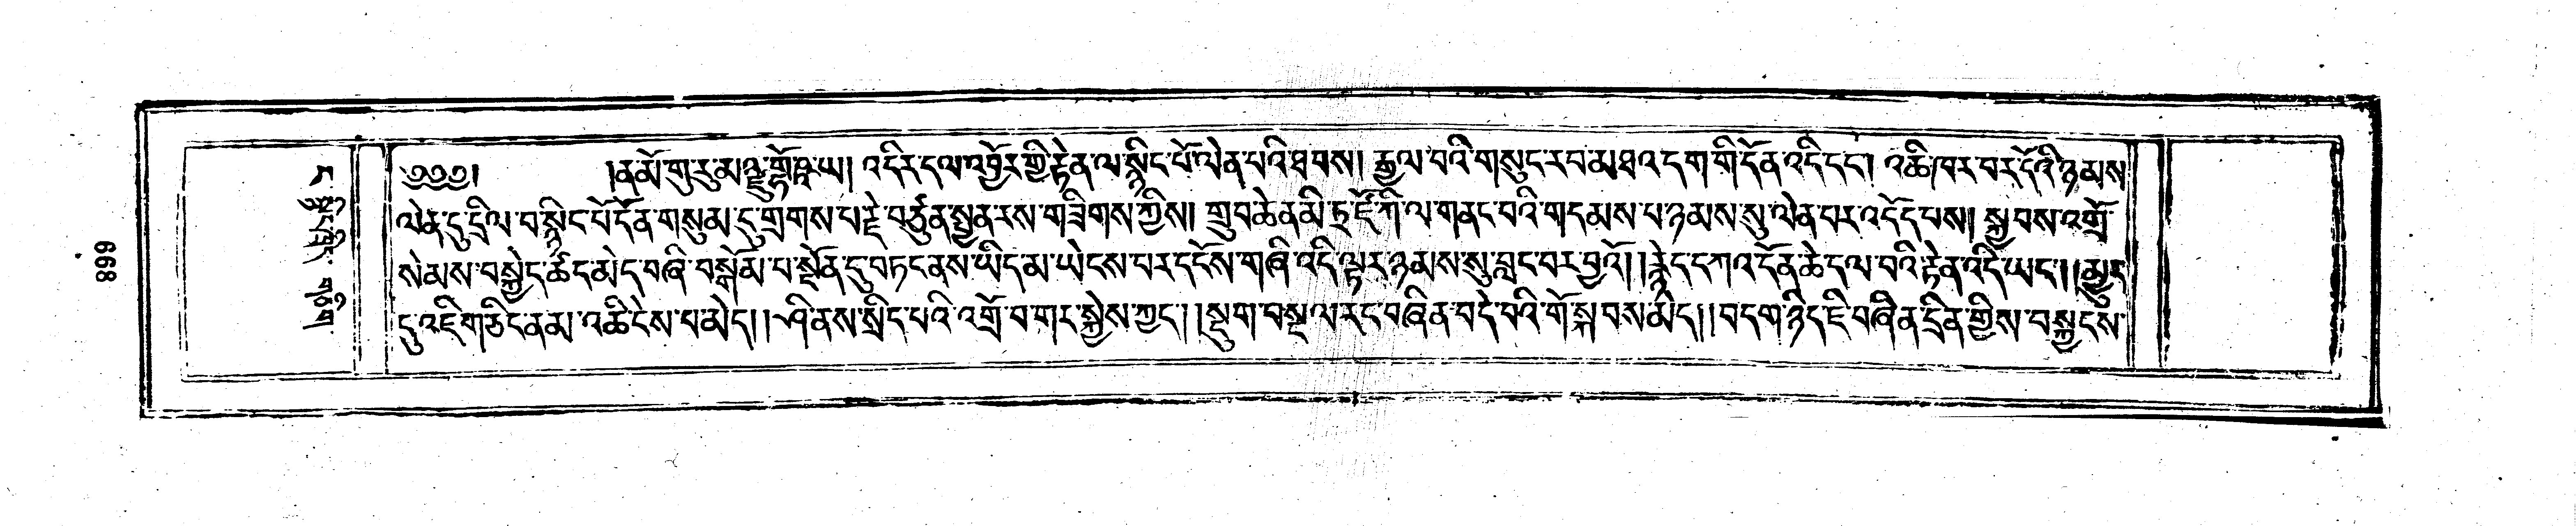༄༅༅། །ན་མོ་གུ་རུ་མཉྫུ་གྷོ་ཥཱ་ཡ། འདིར་དལ་འབྱོར་གྱི་རྟེན་ལ་སྙིང་པོ་ལེན་པའི་ཐབས། རྒྱལ་བའི་གསུང་རབ་མཐའ་དག་གི་དོན་འདི་དང་། འཆི་ཁར་བར་དོའི་ཉམས་
ལེན་དུ་དྲིལ་བ་སྙིང་པོ་དོན་གསུམ་དུ་གྲགས་པ་རྗེ་བཙུན་སྤྱན་རས་གཟིགས་ཀྱིས། གྲུབ་ཆེན་མི་ཏྲ་ཛོ་ཀི་ལ་གནང་བའི་གདམས་པ་ཉམས་སུ་ལེན་པར་འདོད་པས། སྐྱབས་འགྲོ་
སེམས་བསྐྱེད་ཚད་མེད་བཞི་བསྒོམ་པ་སྔོན་དུ་བཏང་ནས་ཡིད་མ་ཡེངས་པར་དངོས་གཞི་འདི་ལྟར་ཉམས་སུ་བླང་བར་བྱའོ། །རྙེད་དཀའ་དོན་ཆེ་དལ་བའི་རྟེན་འདི་ཡང་། །མྱུར་
དུ་འཇིག་ཅིང་ནམ་འཆི་ངེས་པ་མེད། །ཤི་ནས་སྲིད་པའི་འགྲོ་བ་གང་སྐྱེས་ཀྱང་། །སྡུག་བསྔལ་རང་བཞིན་བདེ་བའི་གོ་སྐབས་མེད། །བདག་ཉིད་ཇི་བཞིན་དྲིན་གྱིས་བསྐྱངས་